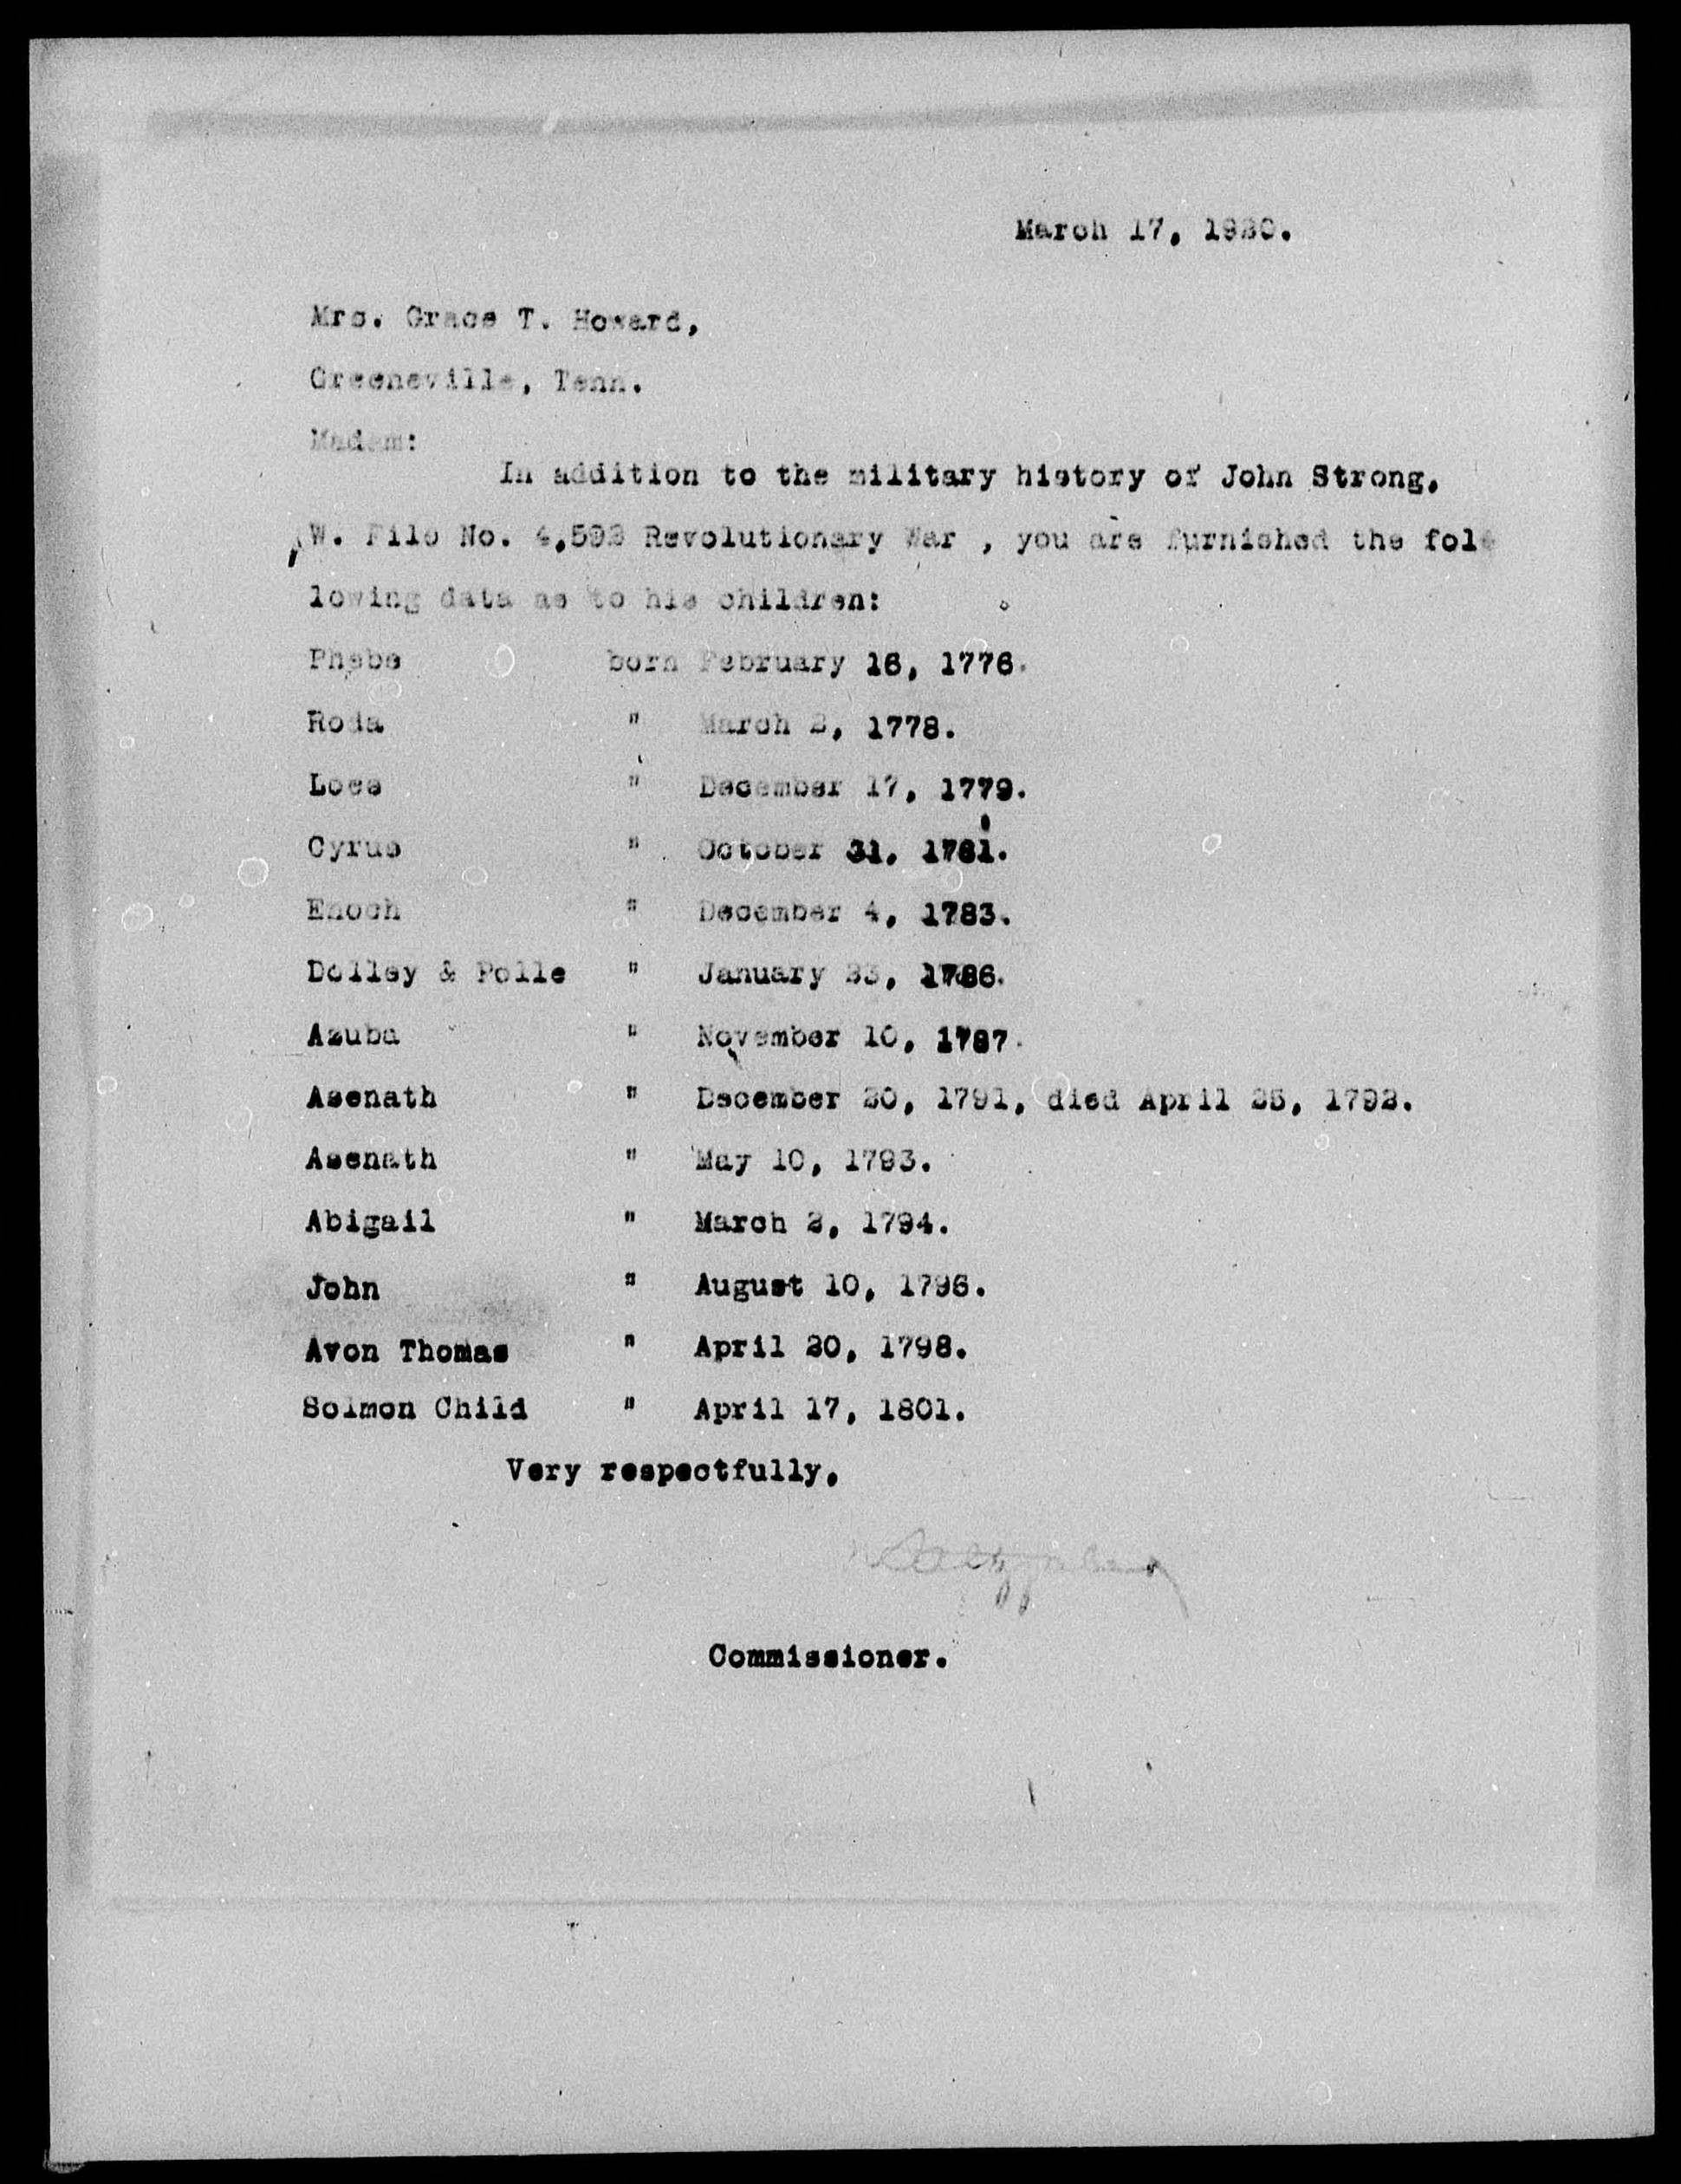March 17, 1930.
Mrs. Grace T. Howard, 
Greenville, Tenn. 
Madam: 
In addition to the military history of John Strong, W. File No. 4,532 Revolutionary War, you are furnished the following data as to his children: 
Phebe born February 16, 1776. 
Roda March 2, 1778. 
Loce December 17, 1779. 
Cyrus October 21, 
Enoch December 4, 1883, 
Dolley & Polle January 23, 1886. 
Azuba November 10, 1787. 
Asenath December 20, 1791, died April 25, 1792. 
Asenath May 10, 1793. 
Abigail March 2, 1794. 
John August 10, 1796. 
Avon Thomas April 20, 1798. 
Solmon Child April 17, 1801. 
Very respectfully, at Commissioner.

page: 30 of 33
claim: widow's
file: W. 4592, for John Strong, New York